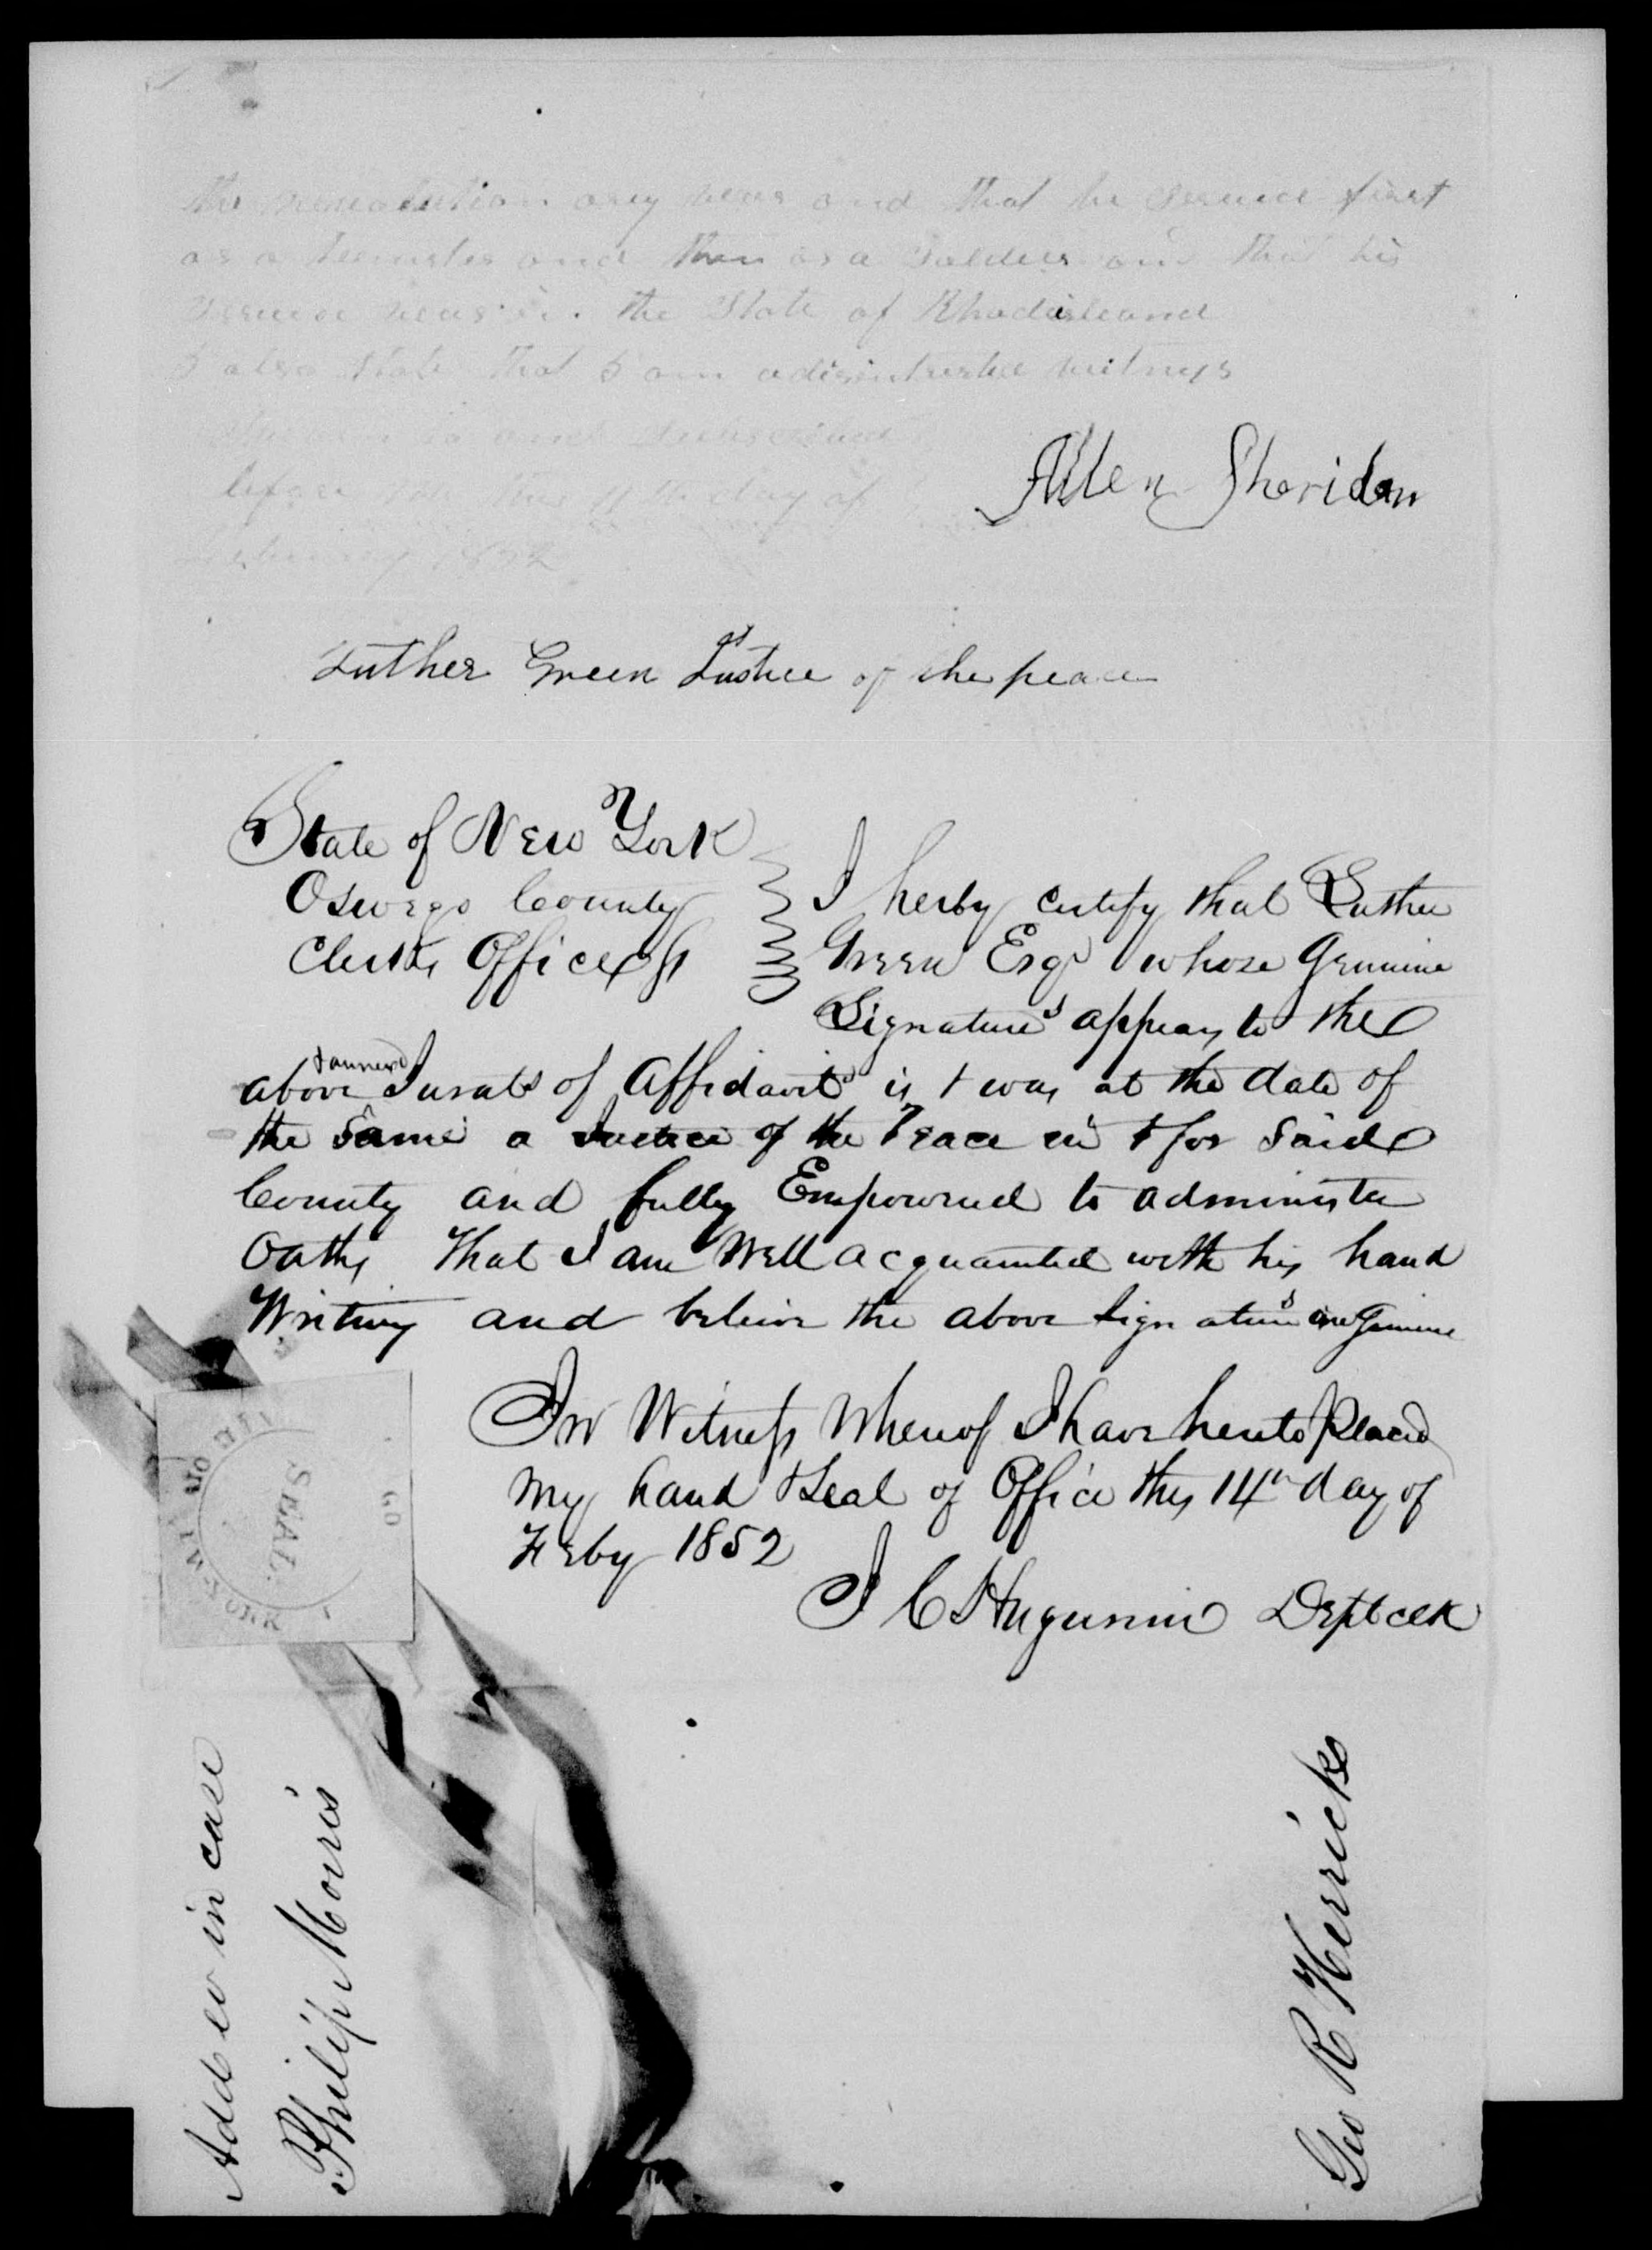the revolutionary war and that he served first as a teamster and then as a soldier and that his illegible  the state of Rhodeisland & also state that I am a disinterested witness

Allen Sheridan
very faded
Sworn to and subscribed  before me this 11th day of February 1852.
Luther Green Justice of the peace

State of New York
Oswego County
Clerk Office 

I hereby certify that Luther Green Esq whose genuine signature appears to the above & annexed Jurats of Affidavits is & was at the date of the same a Justice of the Peace in & for said County and fully Empowered to administer oaths. That I am well acquainted with his hand writing and believe the above signatures are genuine

In witness whereof I have hereto placed my hand & seal of Office this 14th day of Feby 1852

J C Hugunin Dpt Clk

Add to in case
Philip Morris

Geo R Herricks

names: Allen Sheridon; J C Hugunin; Geo R Herrick; Luther Green; Philip Morris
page: 10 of 44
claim: survivor's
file: S. 28,815, for Philip Morris, Rhode Island